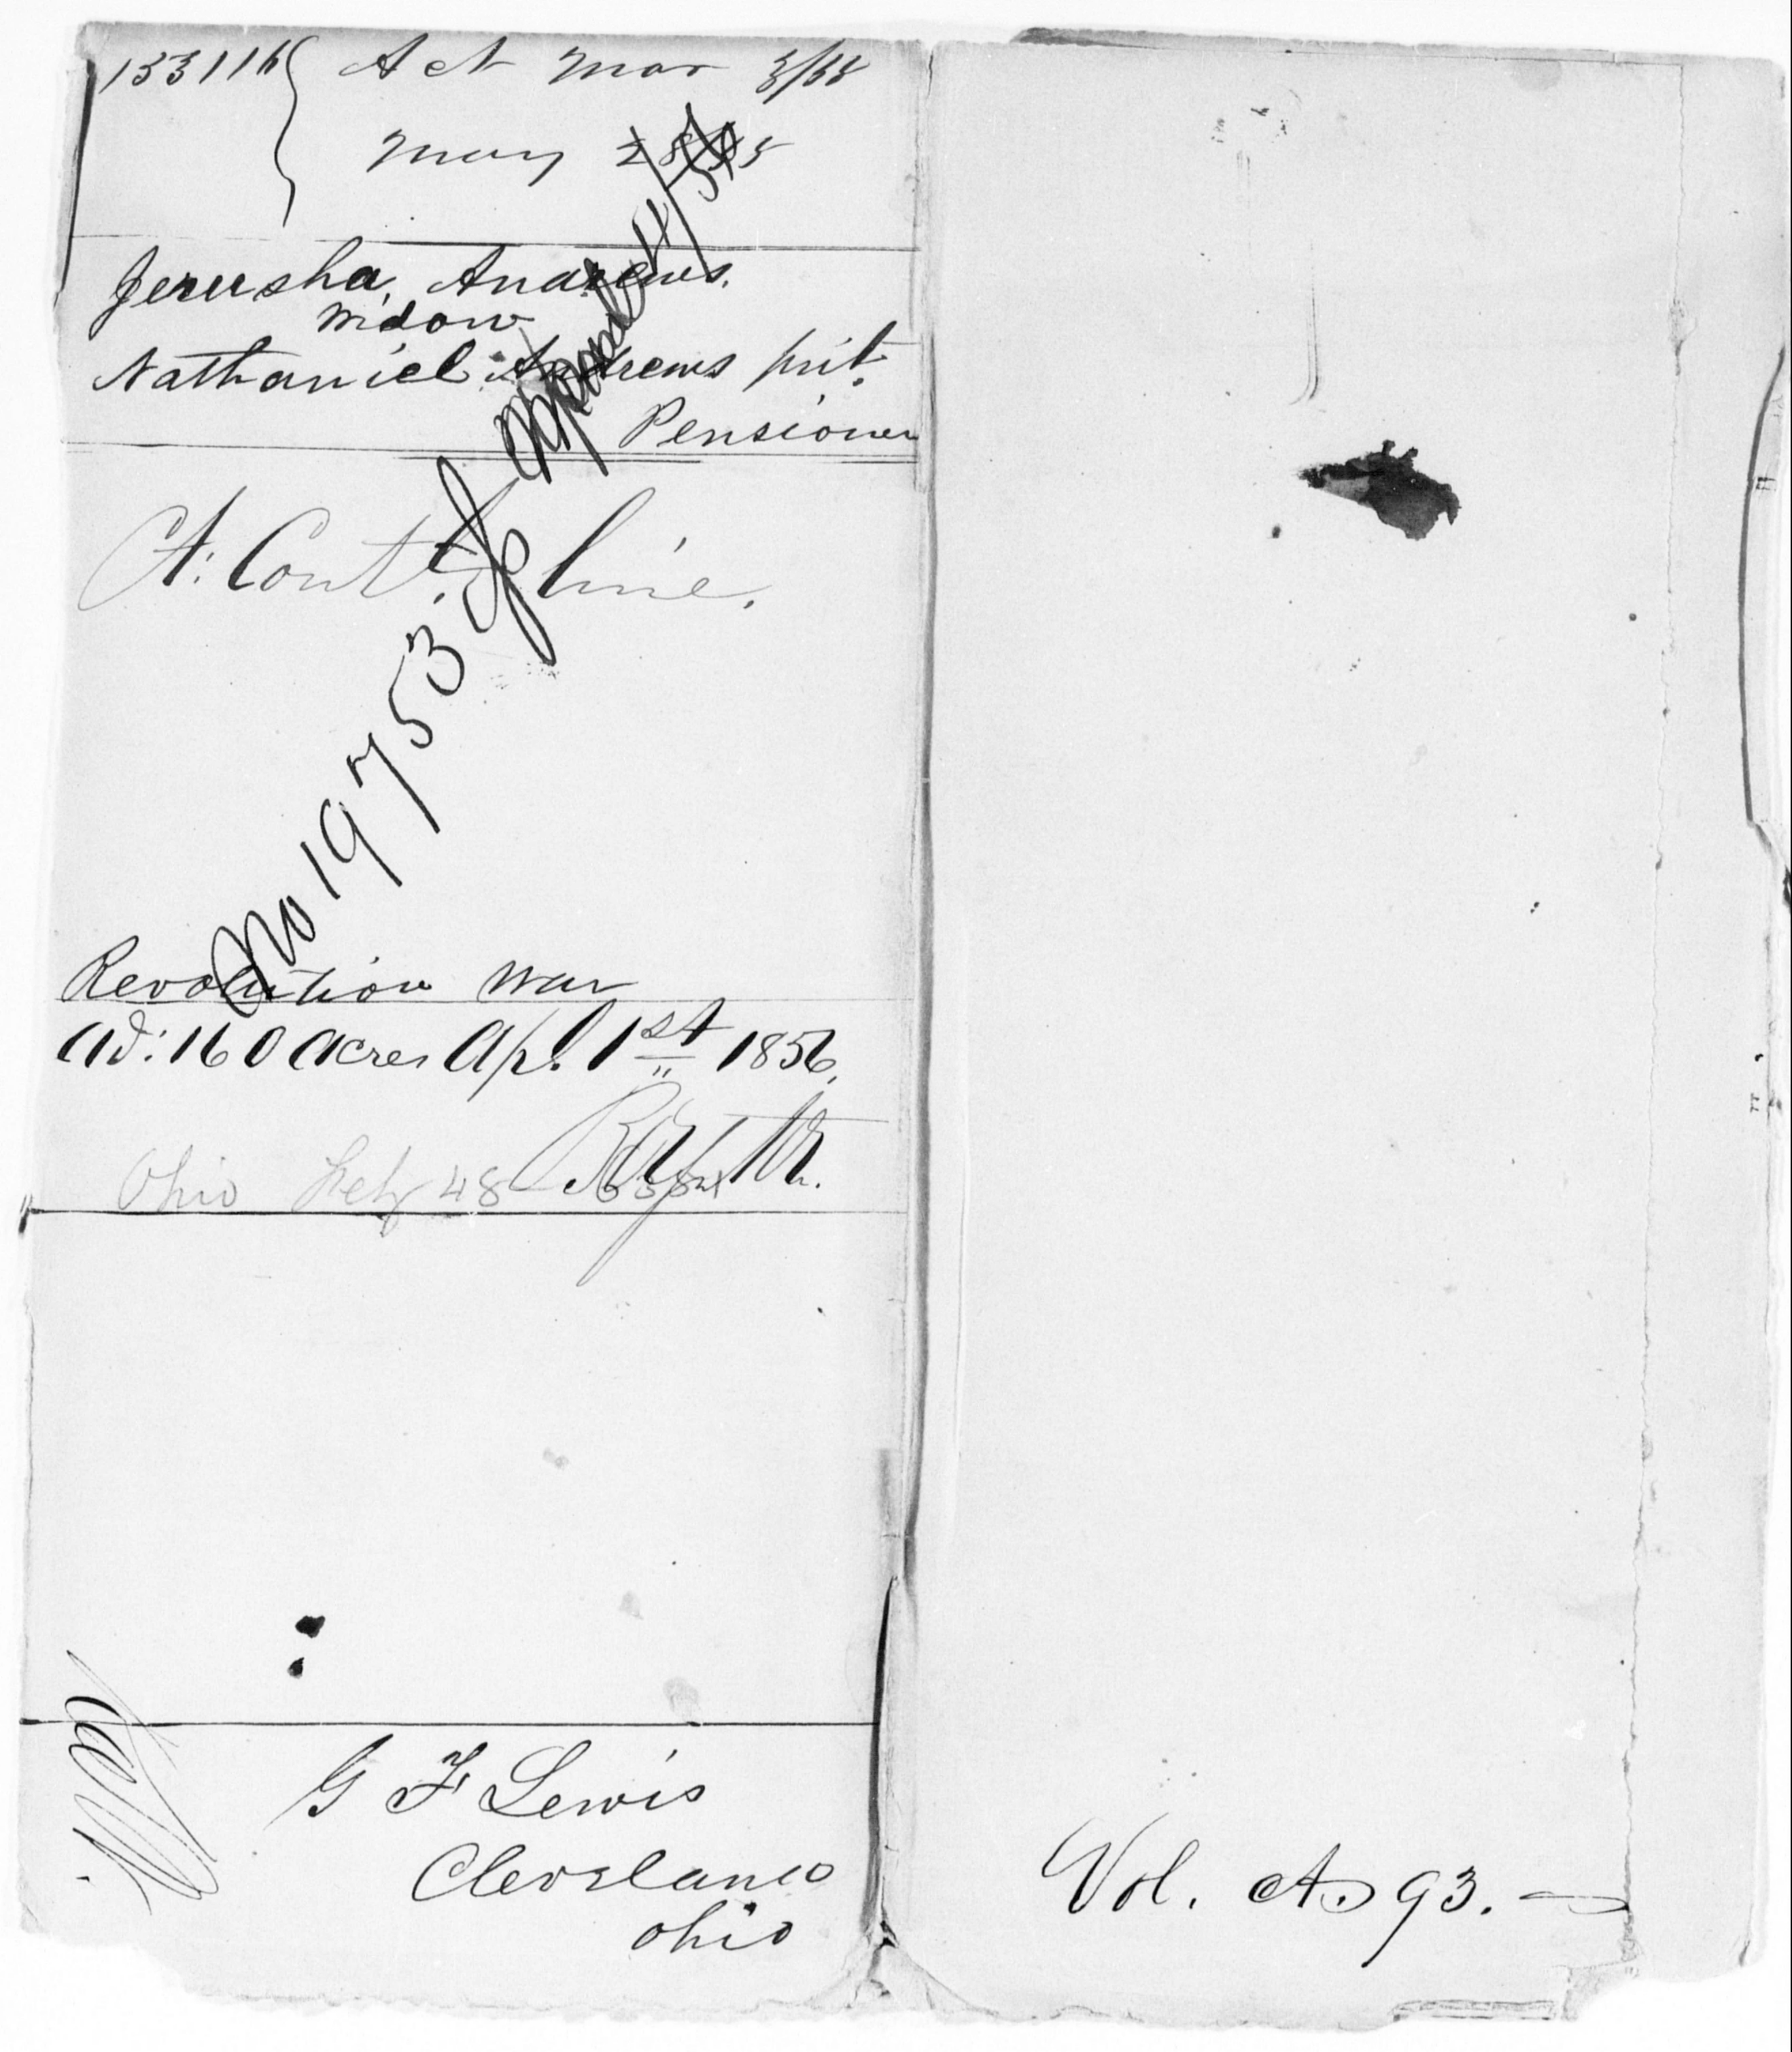153116
Act Mar 3/68
May 28/65
Jerusha Andrews
Widow
Nathaniel Andrews prit
Pension
1
A. Cont line
Revolution War
Cid  160 acres Apr 1st 1856
Ohio helz 48 6384
G F Lewis
Cleveland
Ohio
No 19753 [illegible]
Vol. A. 93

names: G F Lewis, Jerusha Andrews, Nathaniel Andrews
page: 14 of 78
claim: widow's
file: W. 4117, Nathaniel Bradley, Conn.